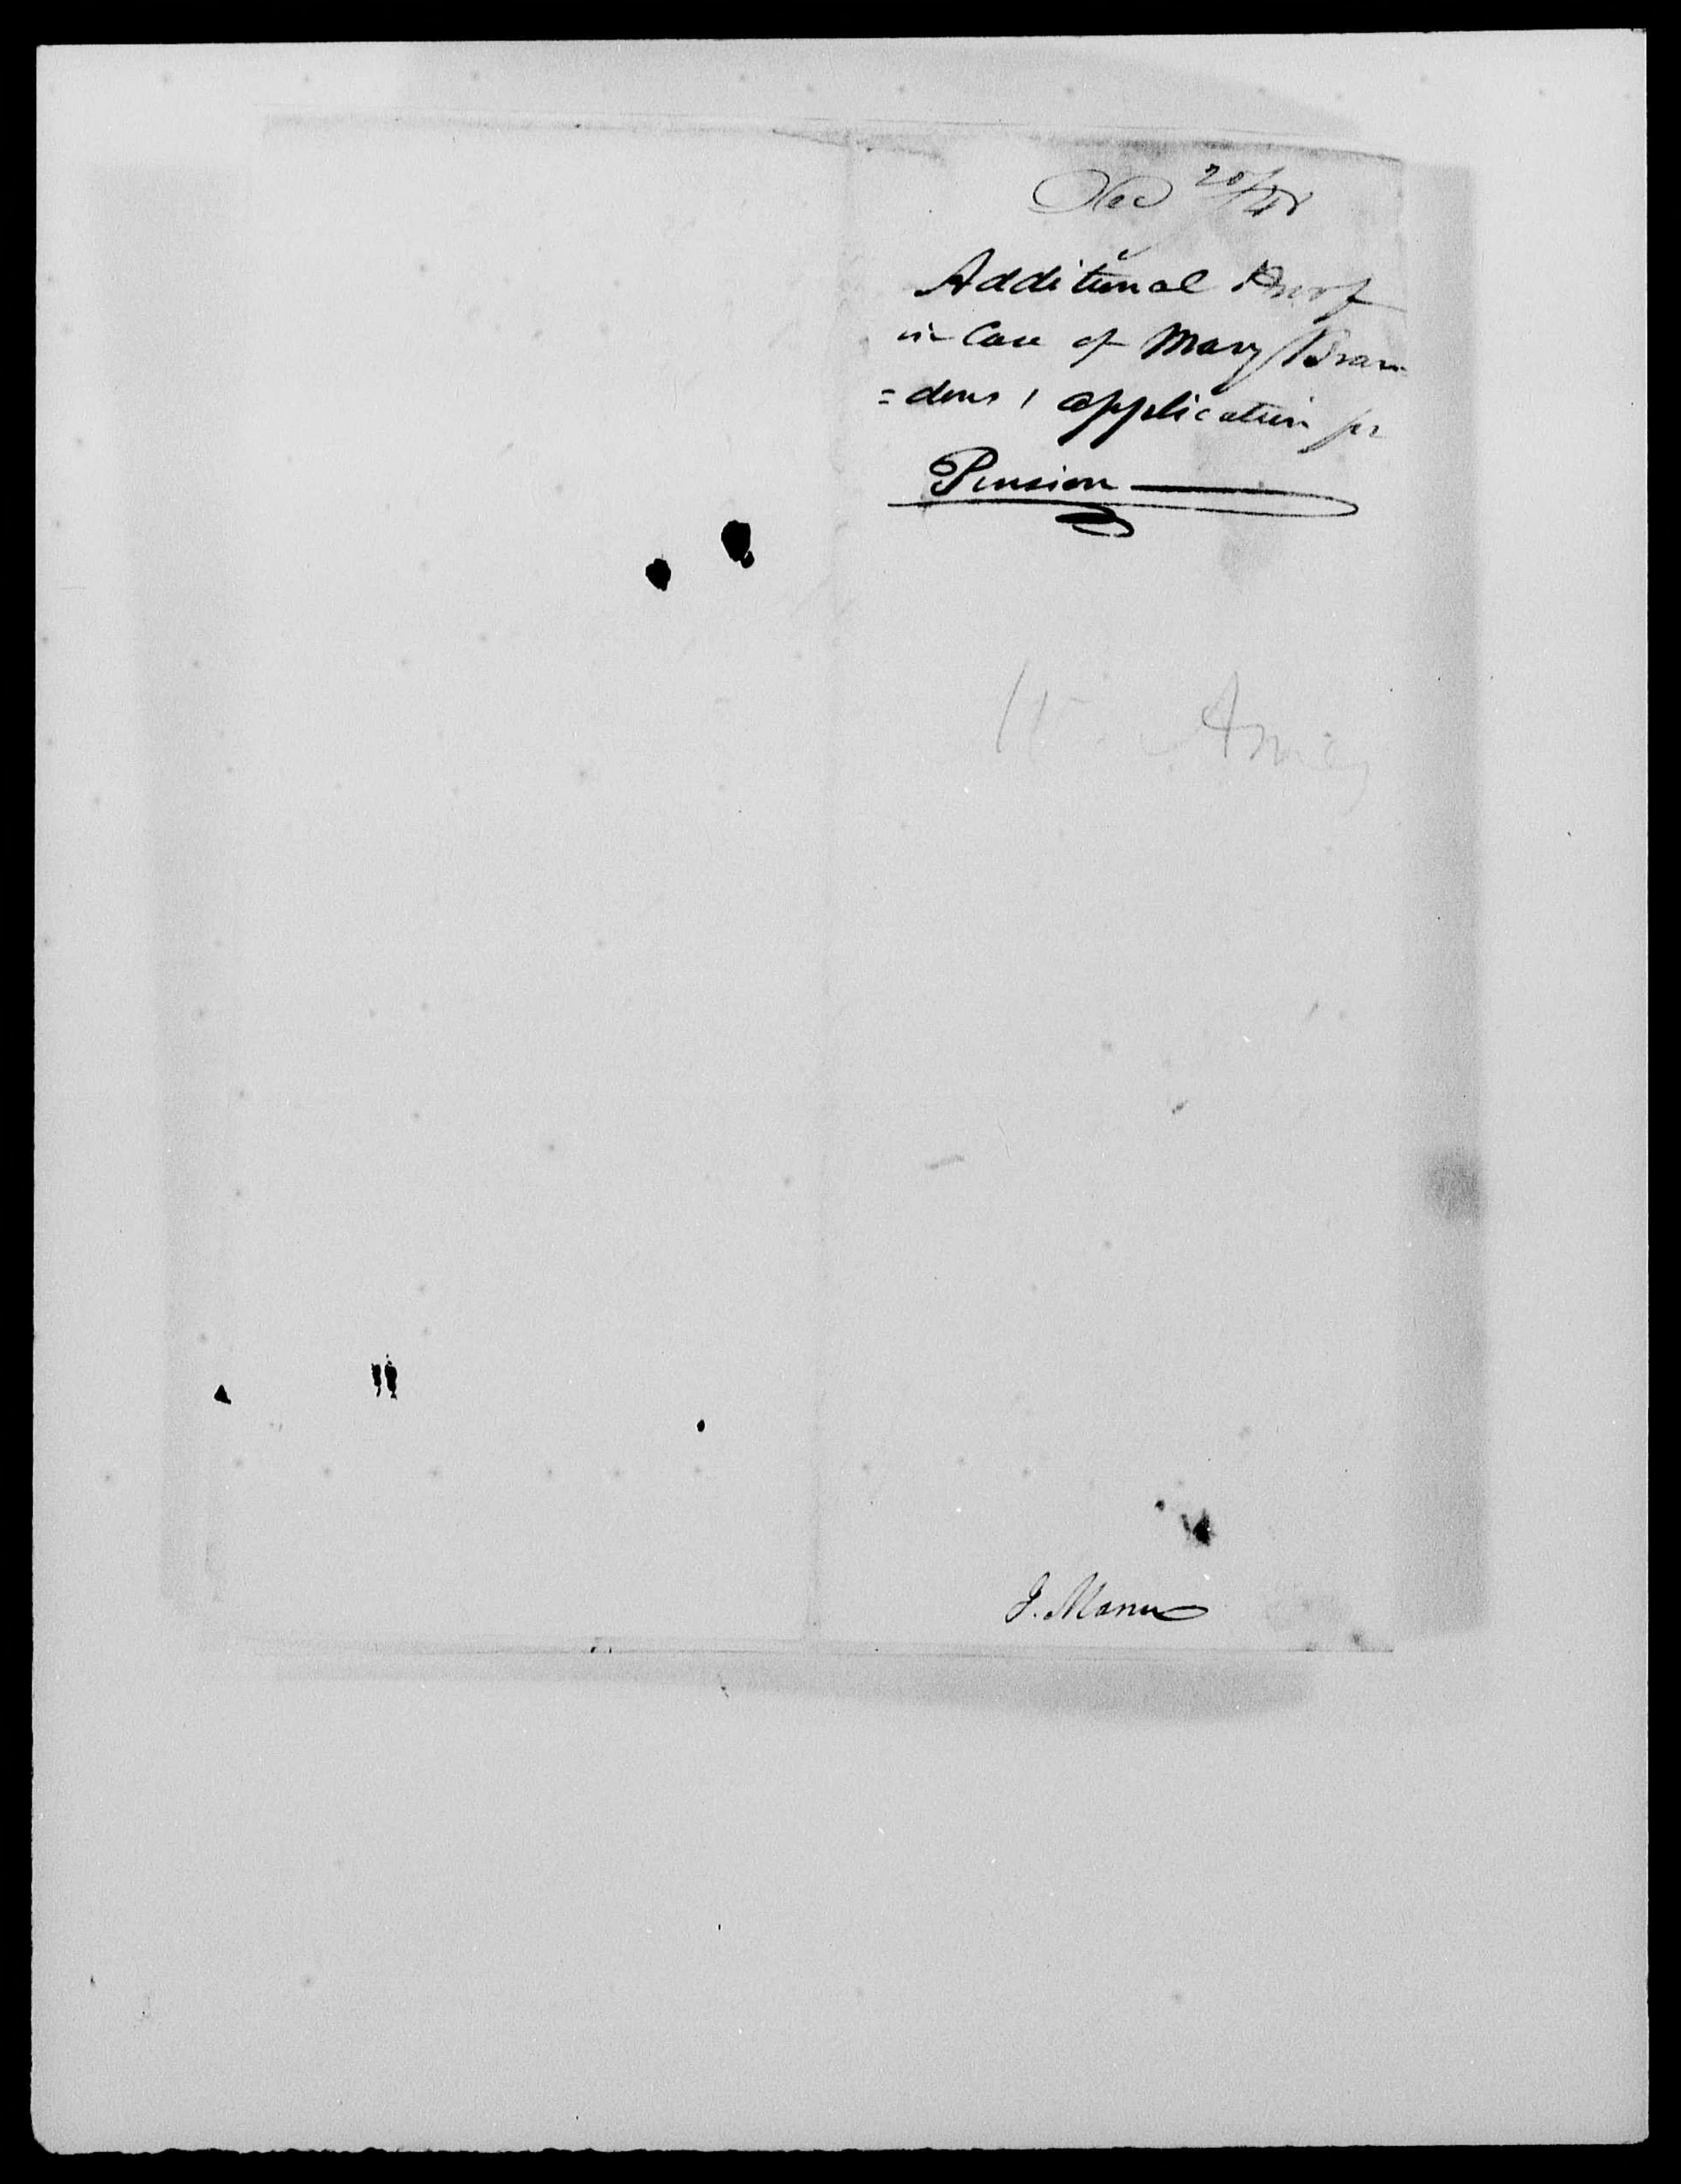Dec 20/48
Additional Proof in case of Mary Brandons application for Pension

W. Ame

J. Mann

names: J Mann, Mary Brandon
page: 19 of 83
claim: widow's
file: W. 5946, John Brandon, Penn